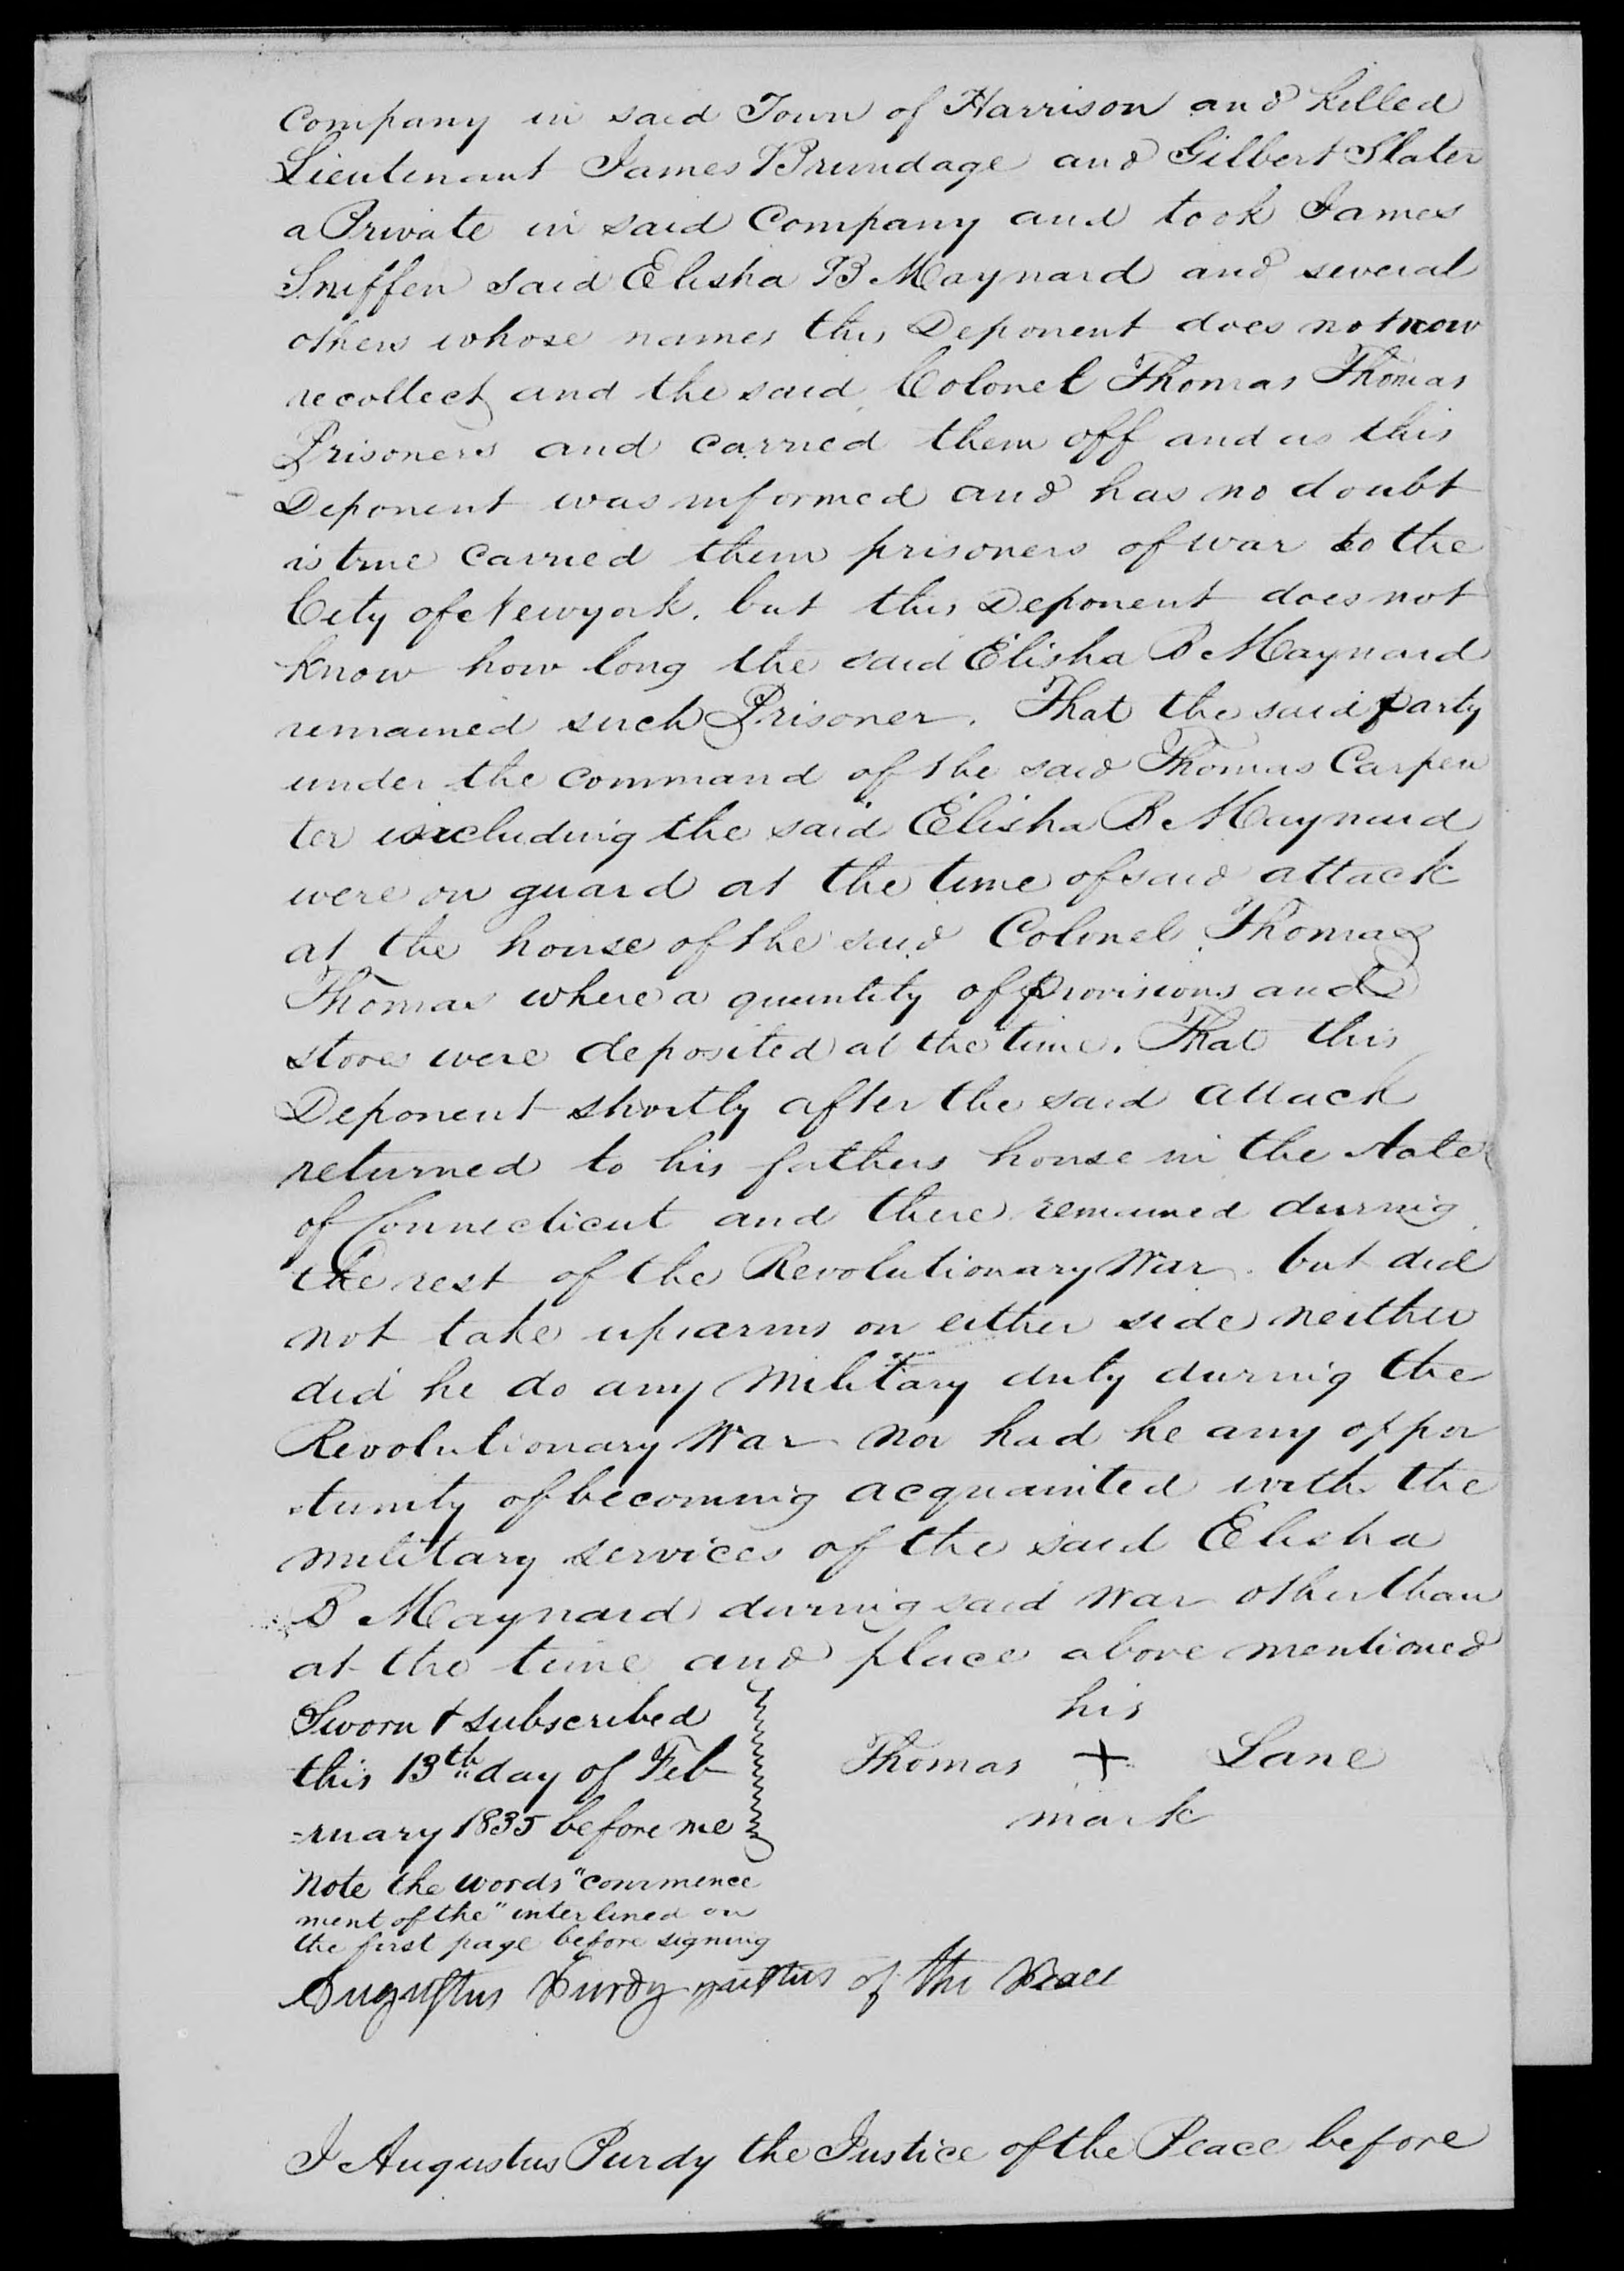Company in said Town of Harrison and killed Lieutenant James Brundage and Gilbert Slater a Private in said Company and took James Sniffen said Elisha B Maynard and several others whose names this Deponent does not now recollect and the said Colonel Thomas Thomas Prisoners and carried them off and as this Deponent was informed and has no doubt is true carried them prisoners of war to the City of Newyork, but this Deponent does not know how long the said Elisha B. Maynard remained such Prisoner. That the said party under the command of the said Thomas Carpenter including the said Elisha B. Maynard were on guard at the time of said attack at the house of the said Colonel Thomas Thomas where a quantity of provisions and stores were deposited at the time. That this Deponent shortly after the said attack returned to his fathers house in the state of Connecticut and there remained during the rest of the Revolutionary War, but did not take up arms on either side neither did he do any military duty during the Revolutionary War nor had he any opportunity of becoming acquainted with the military services of the said Elisha B. Maynard during said War other than at the time and place above mentioned. 
Sworn & subscribed this 13th }
day of February 1835 before me}   Thomas (X his mark) Lane
Note the words "commencement of the " 
interlined on the first page before signing.
[Signed] Augustus Purdy justice of the peace

I Augustus Purdy the Justice of the Peace before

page: 27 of 33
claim: rejected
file: R. 7,063, for Elisha B Maynard, New York